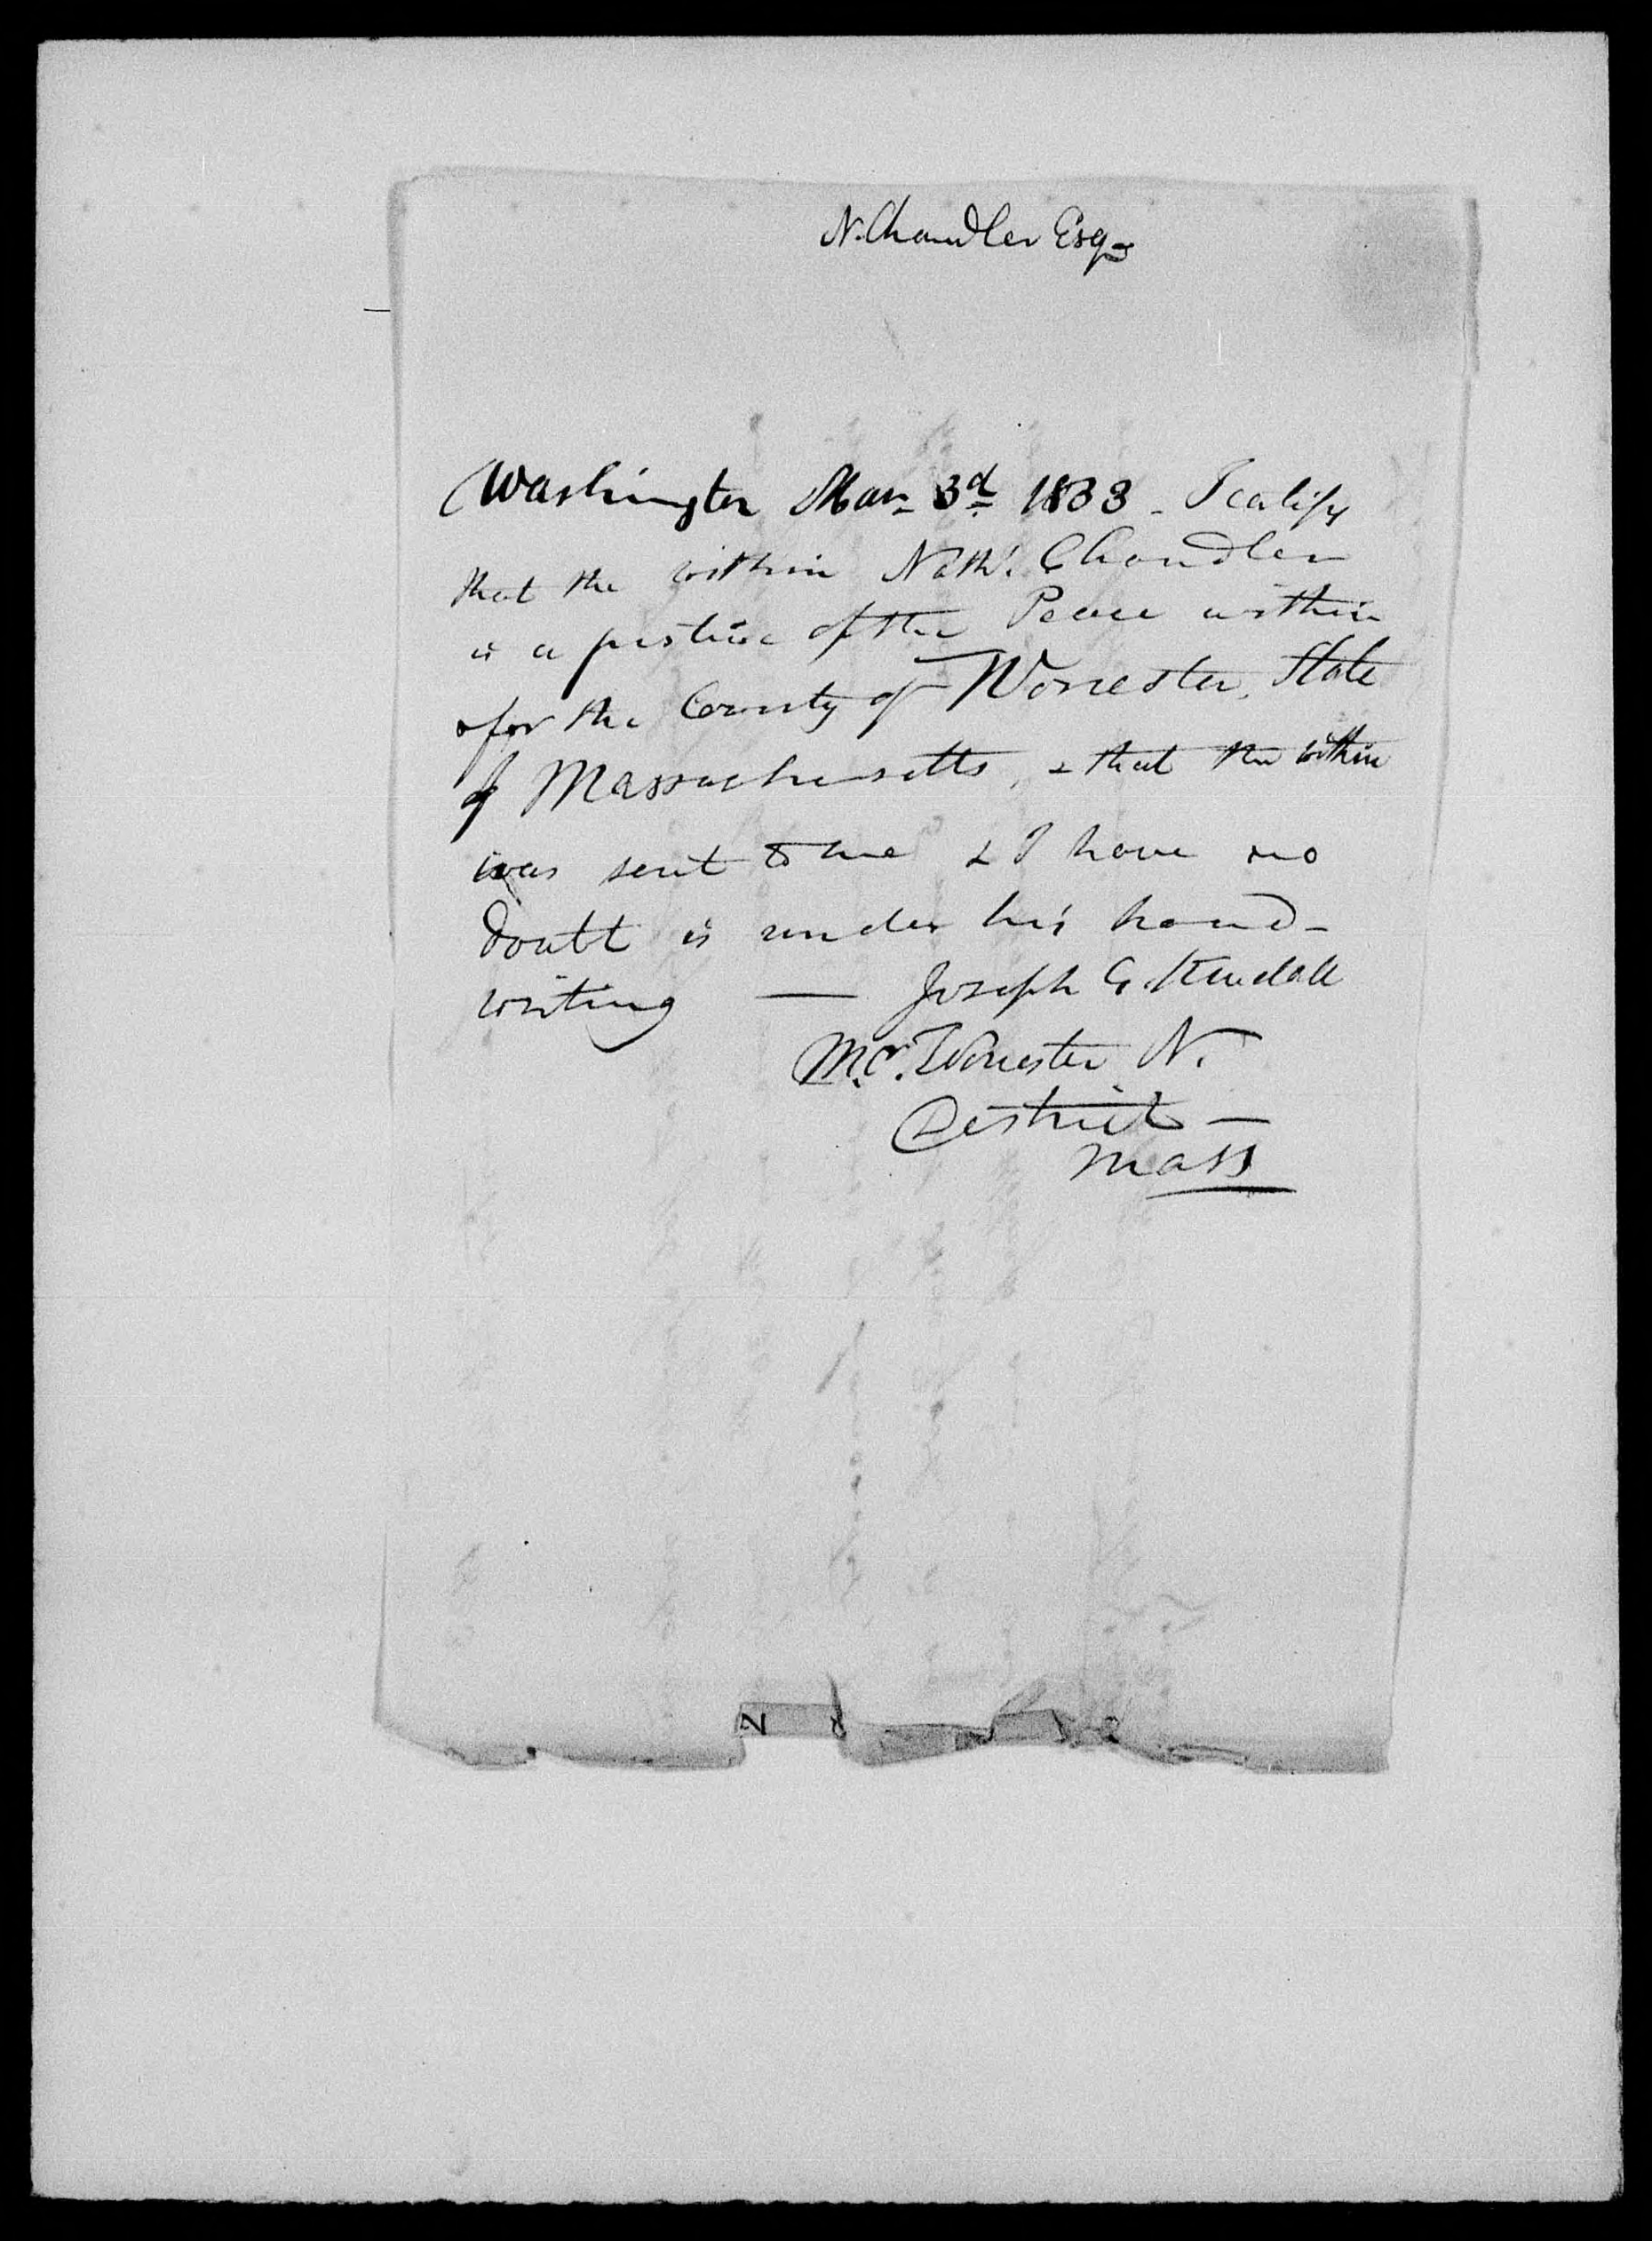N. Chandler Esq.
Washington Mar 3d 1833 [bold]
I certify that the within Nat. Chandler
is a Justice of the Peace within
for the County of Worcester, State of
Massachusetts, & that the within
was sent to me & I have no
doubt is under his handwriting
-
Joseph G Kindall
Mr Winester N.
District Mass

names: Joseph G Kendall, Nath Chandler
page: 8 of 68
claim: survivor's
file: S. 29,877, Daniel Harris, Mass.